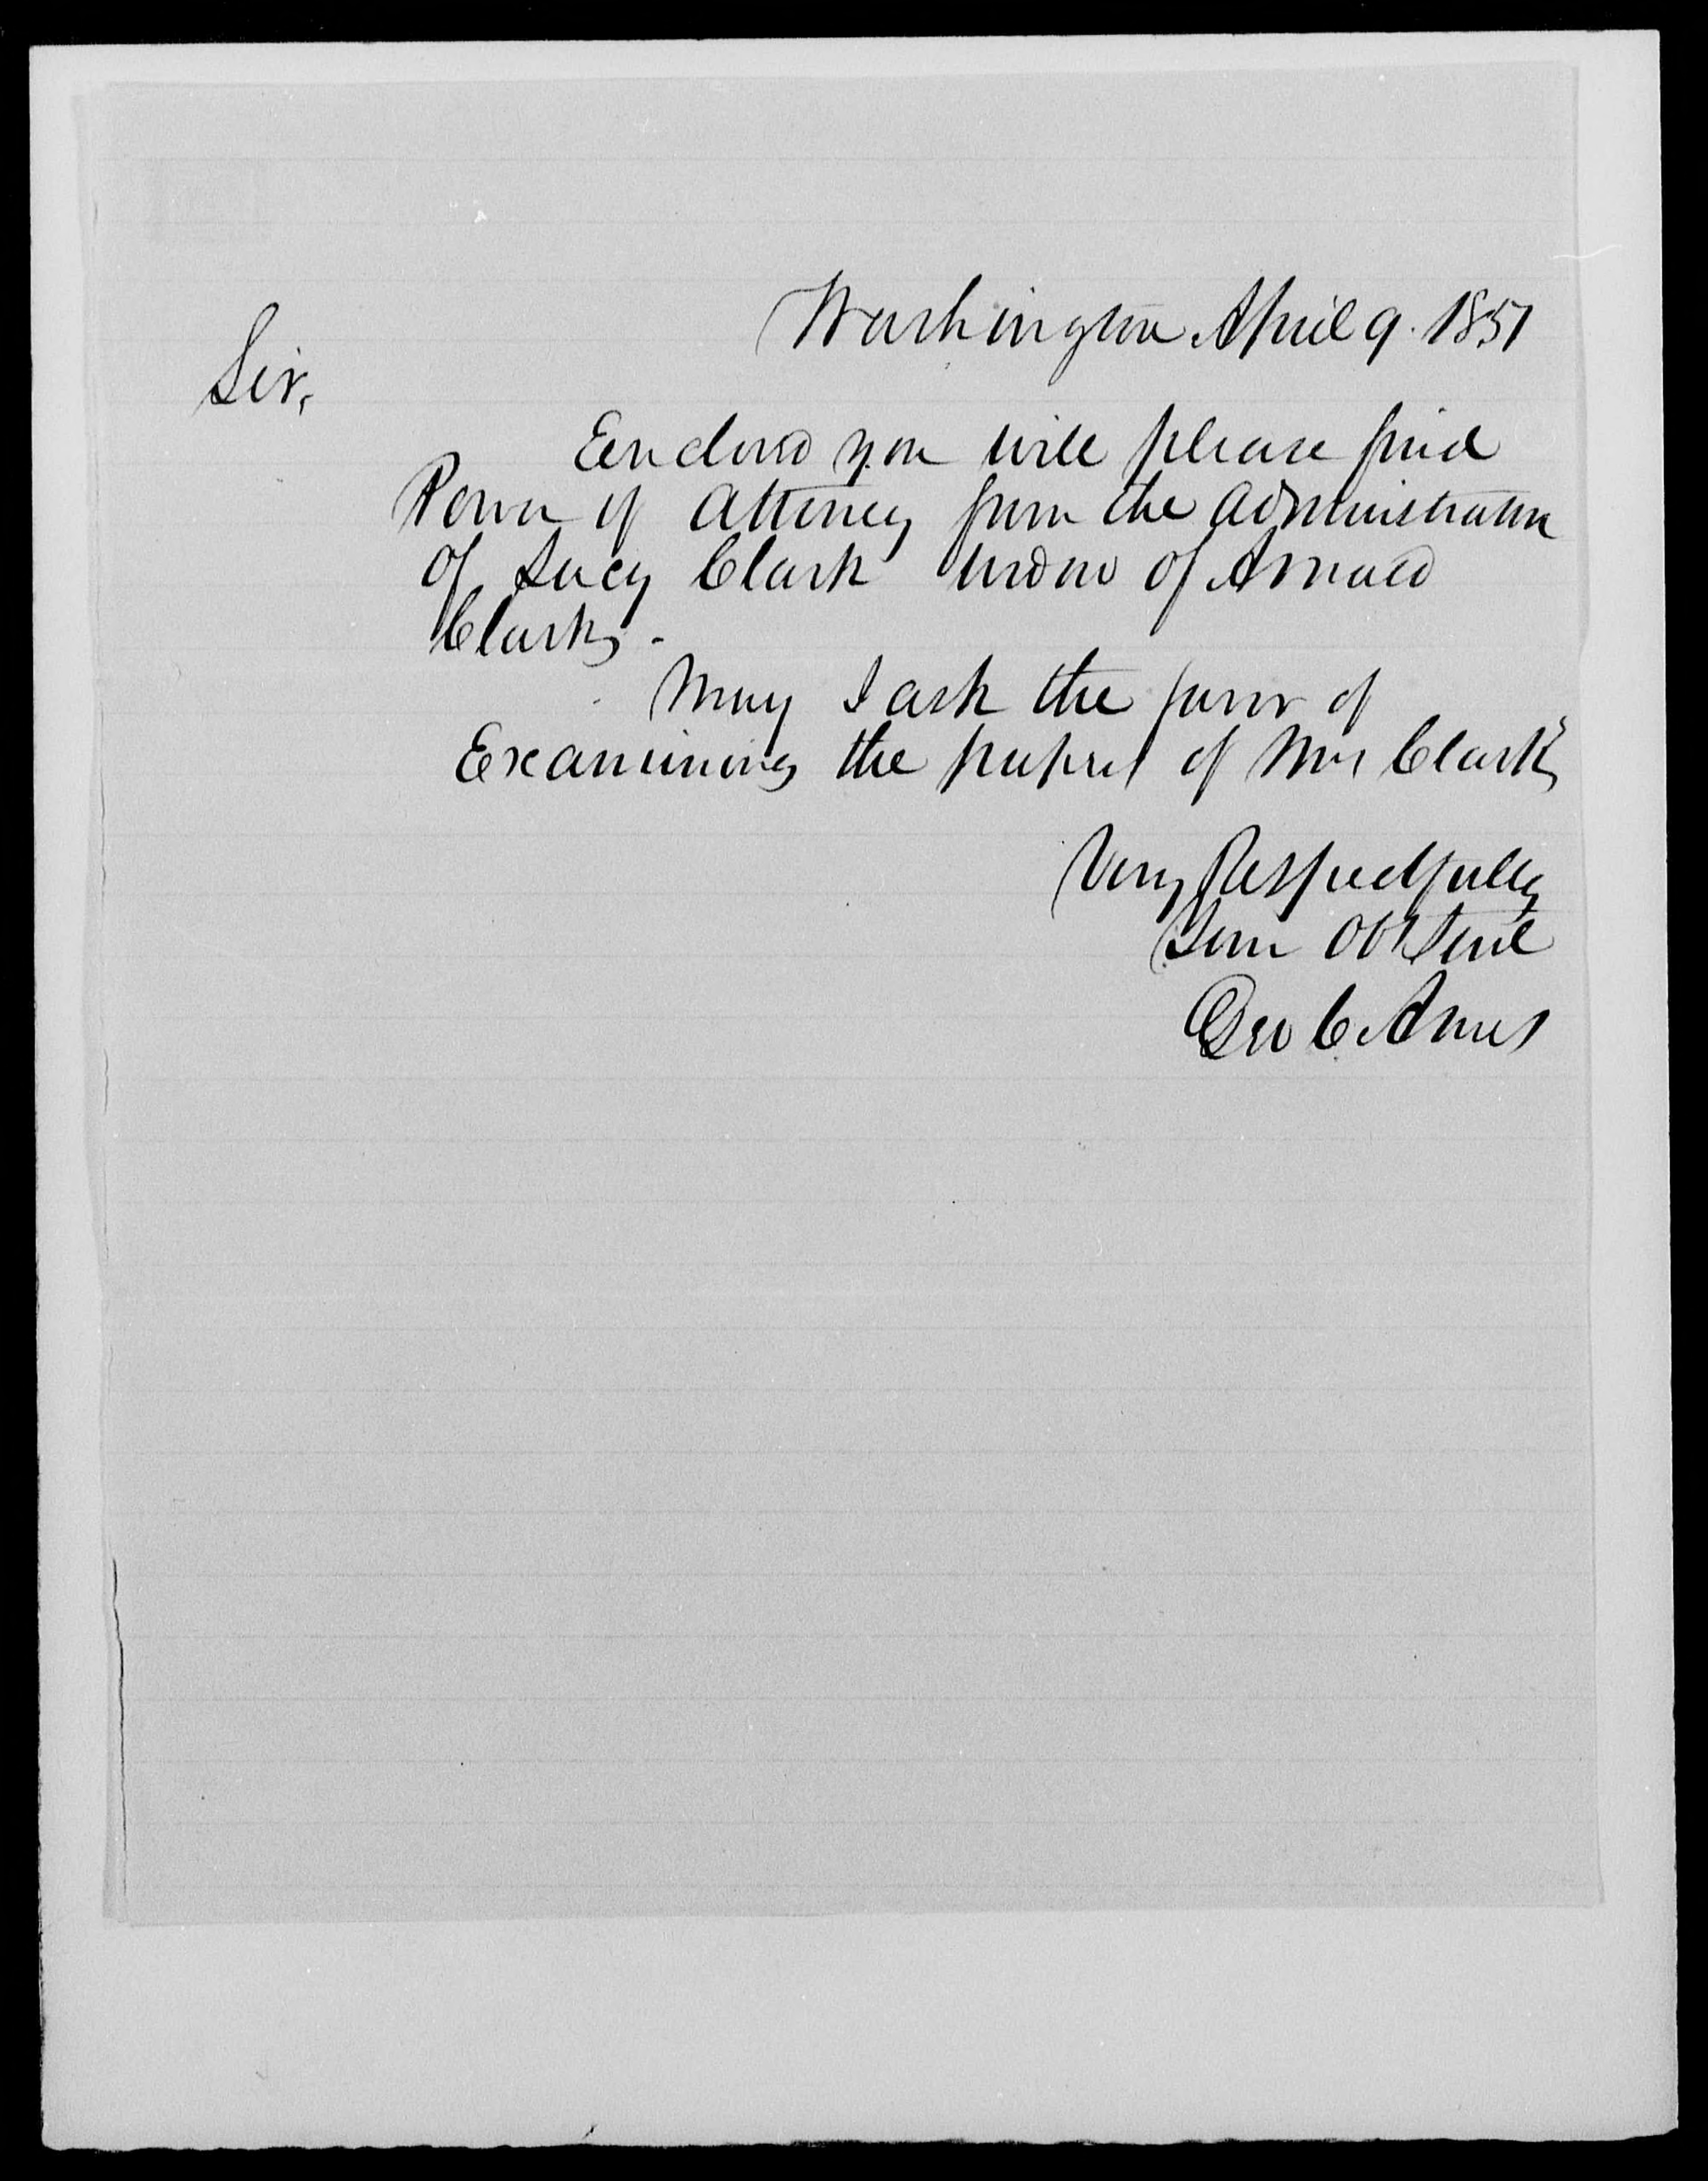Washington April 9, 1851
Sir,
Enclosed you will please find Power of Attorney from the administration of Lucy Clark widow of Arnold Clark.
May I ask the favor of examining the papers of Mr. Clark.
Very Respectfully [illegible] Obt Sevt
Geo C Ames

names: Arnold Clark, Geo C Ames, Clark, Lucy Clark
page: 20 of 48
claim: widow's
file: W. 17,628, Arnold Clarke, R.I.